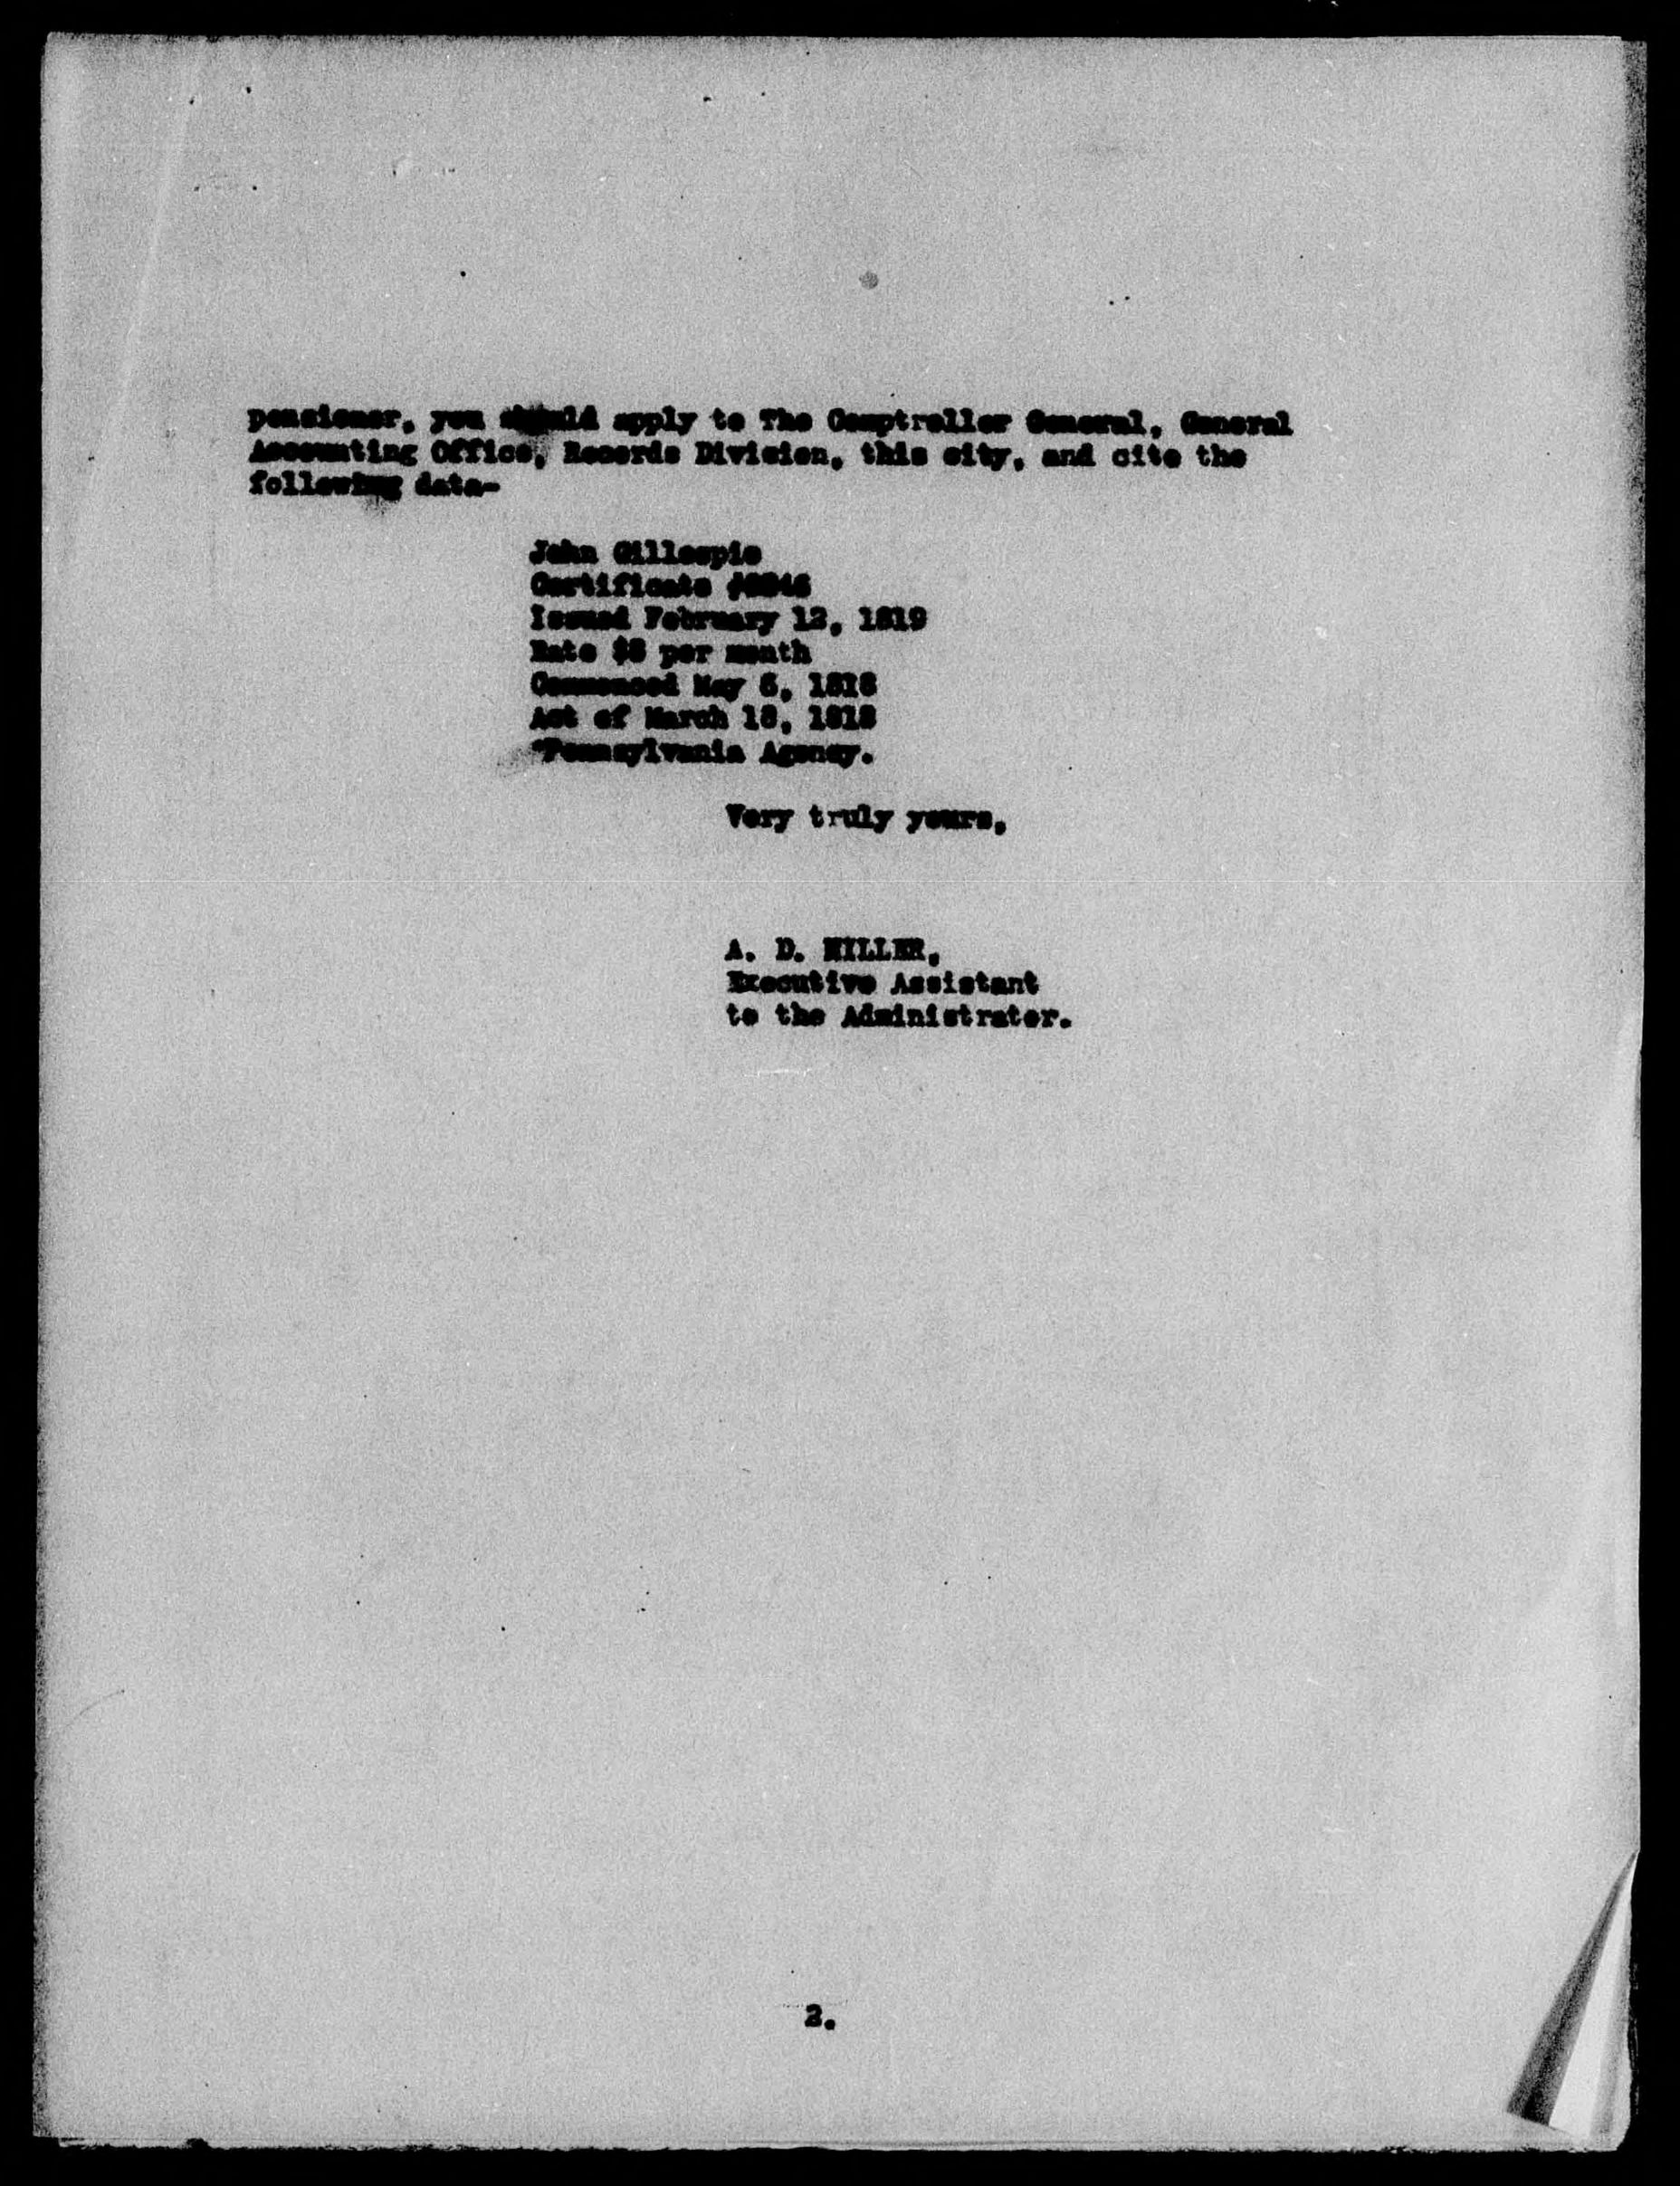pensioner, you should apply to The Comptroller General, General Accounting Office, Records Division, this city, and cite the following data

John Gillespie
Certificate [illegible]
Issued February 12, 1829
Rate $8 per month
Commenced May 6, 1818
Act of March 18, 1818
Pennsylvania Agency.

Very truly yours, 
A.D. Miller
Executive Assistant to the Administrator.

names: A D Hiller, John Gillespie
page: 20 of 20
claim: survivor's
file: S. 41581, John Gillespie, Continental Del.